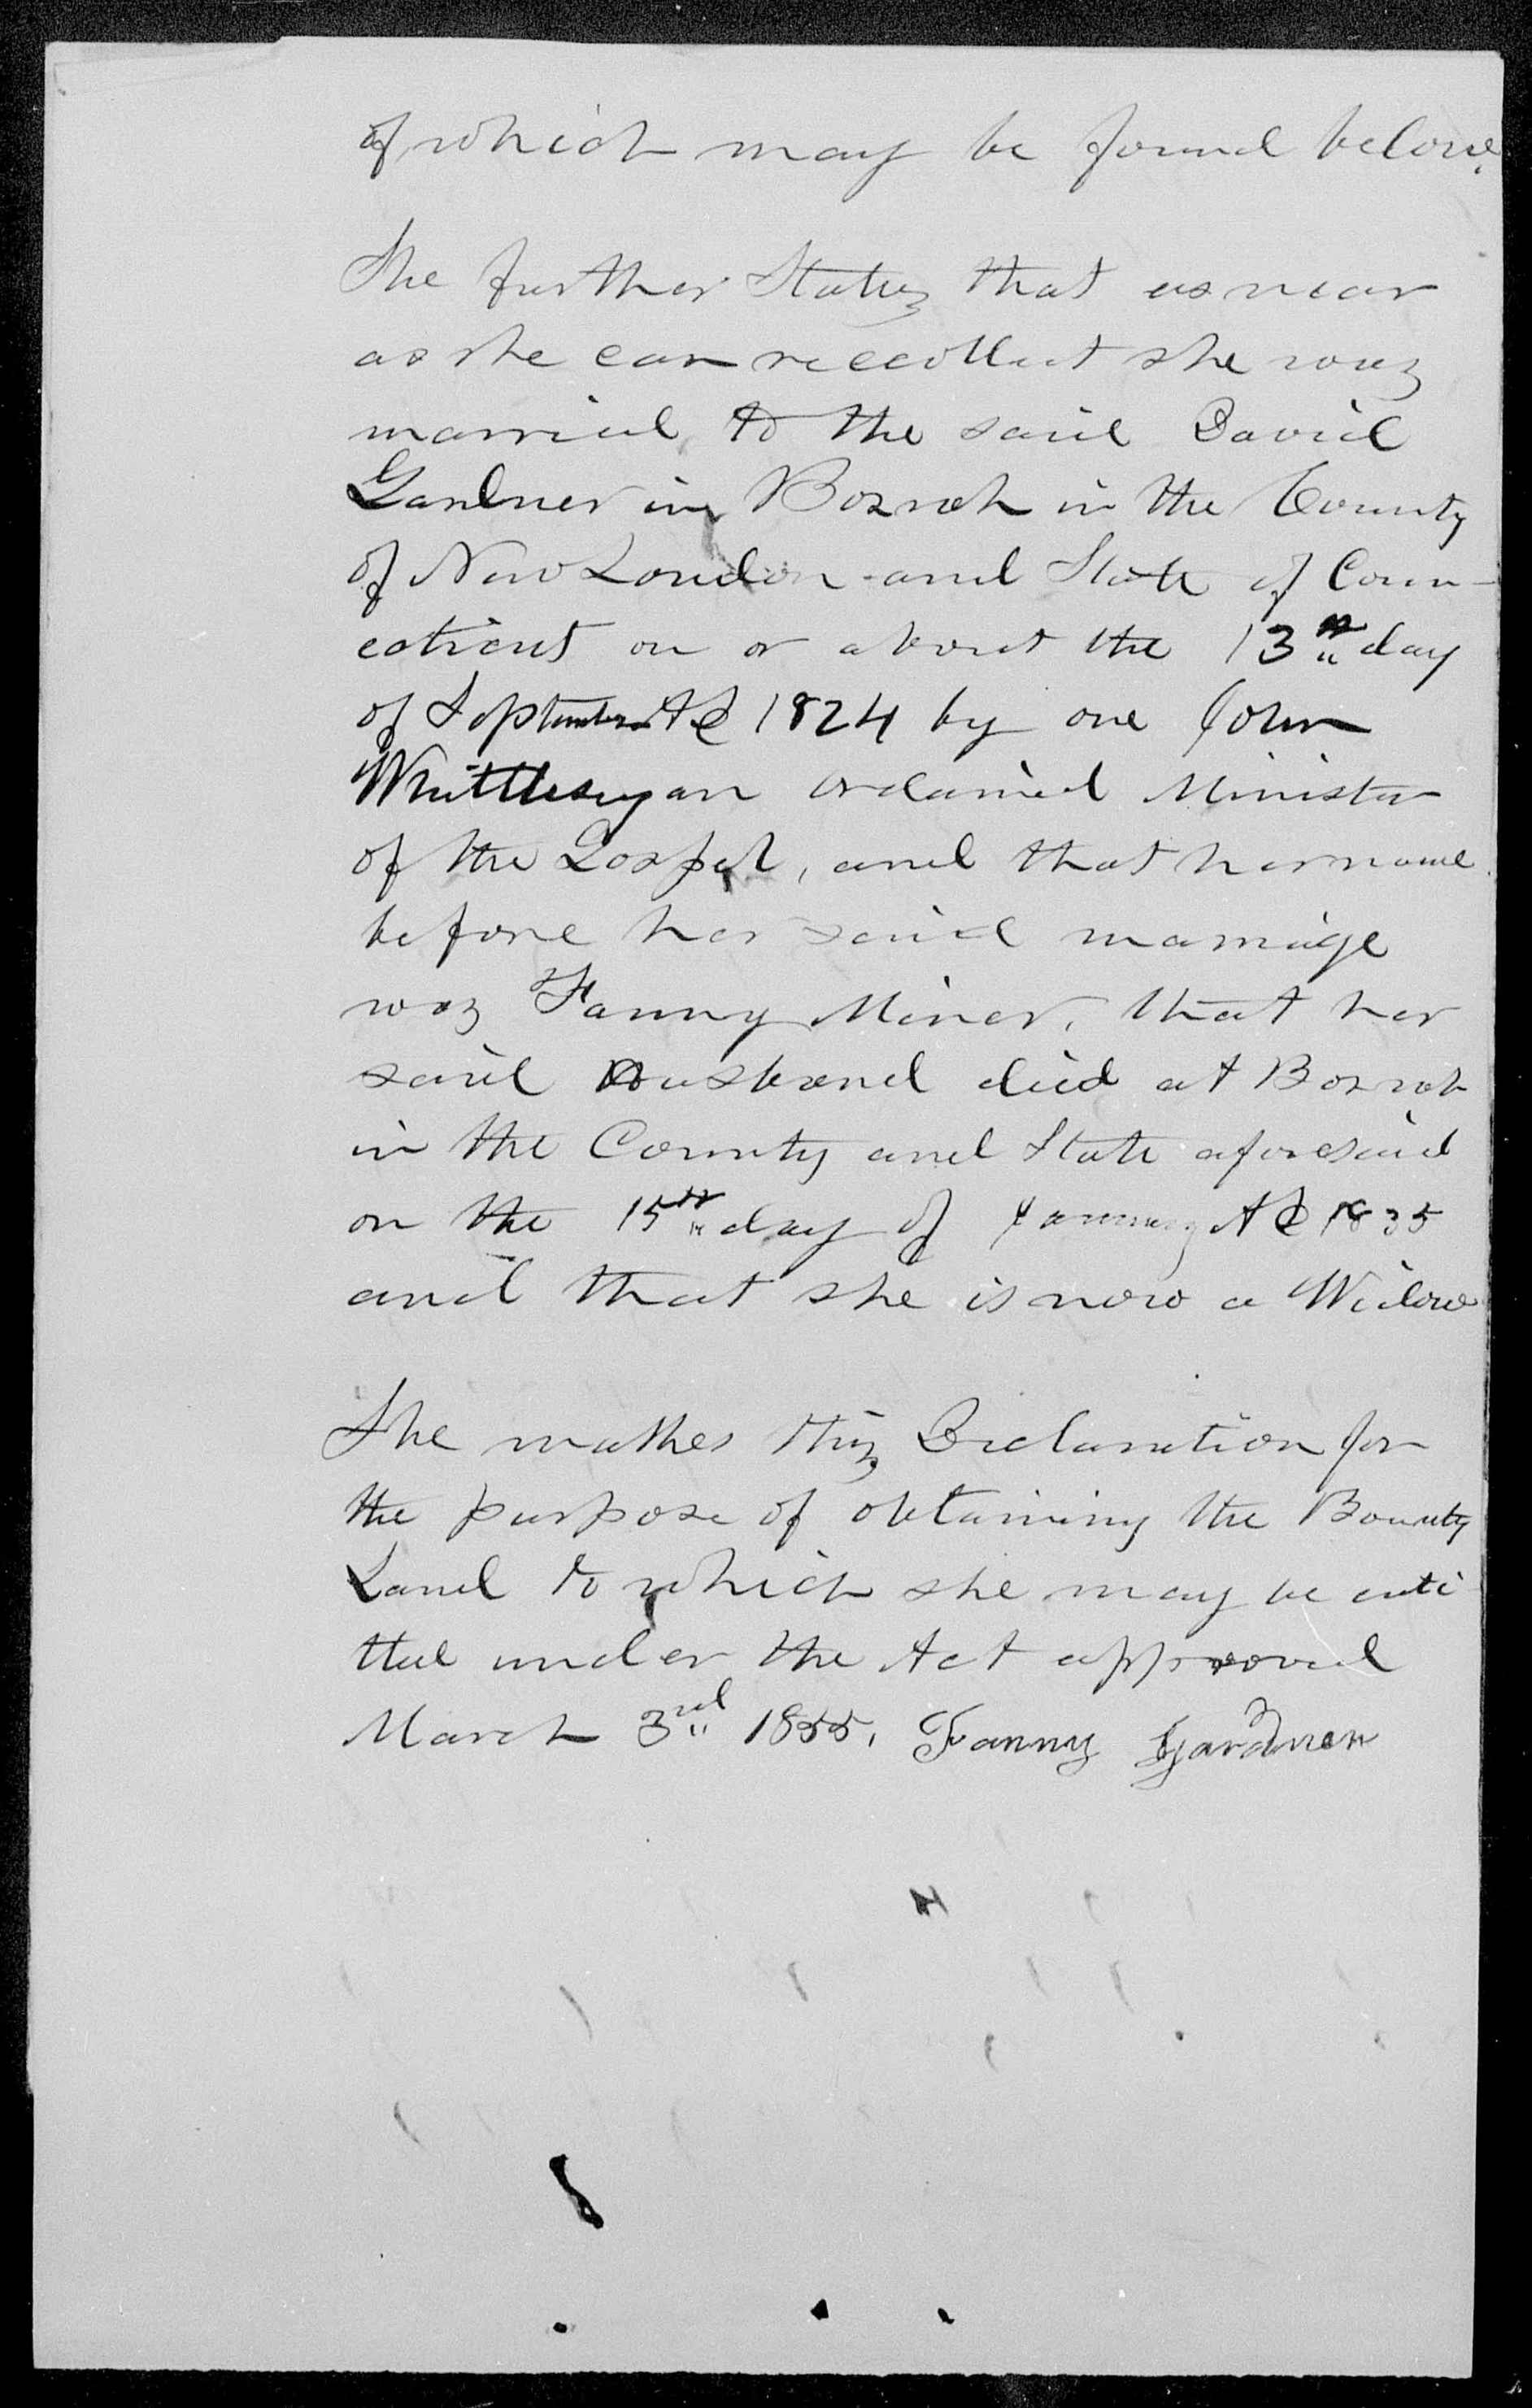of which may be found below.

She further states that as near as she can recollect she was married to the said David Gardner in Bozrah in the County of New London and State of Connecticut on or about the 13th day of September AD 1824 by one John Whittlesey an ordained Minister of the Gospel, and that her name before her said marriage was Fanny Miner, that her said husband died at Bozrah in the County and State aforesaid on the 15th day of January AD 1835 and that she is now a Widow

She makes this Declaration for the purpose of obtaining the Bounty Land to which she may be entitled under the Act approved March 3rd 1855, Fanny Gardner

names: Fanny Miner, John Whittlesey, David Gardner, Fanny Gardner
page: 20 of 66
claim: widow's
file: W 1850, David Gardner, Conn.